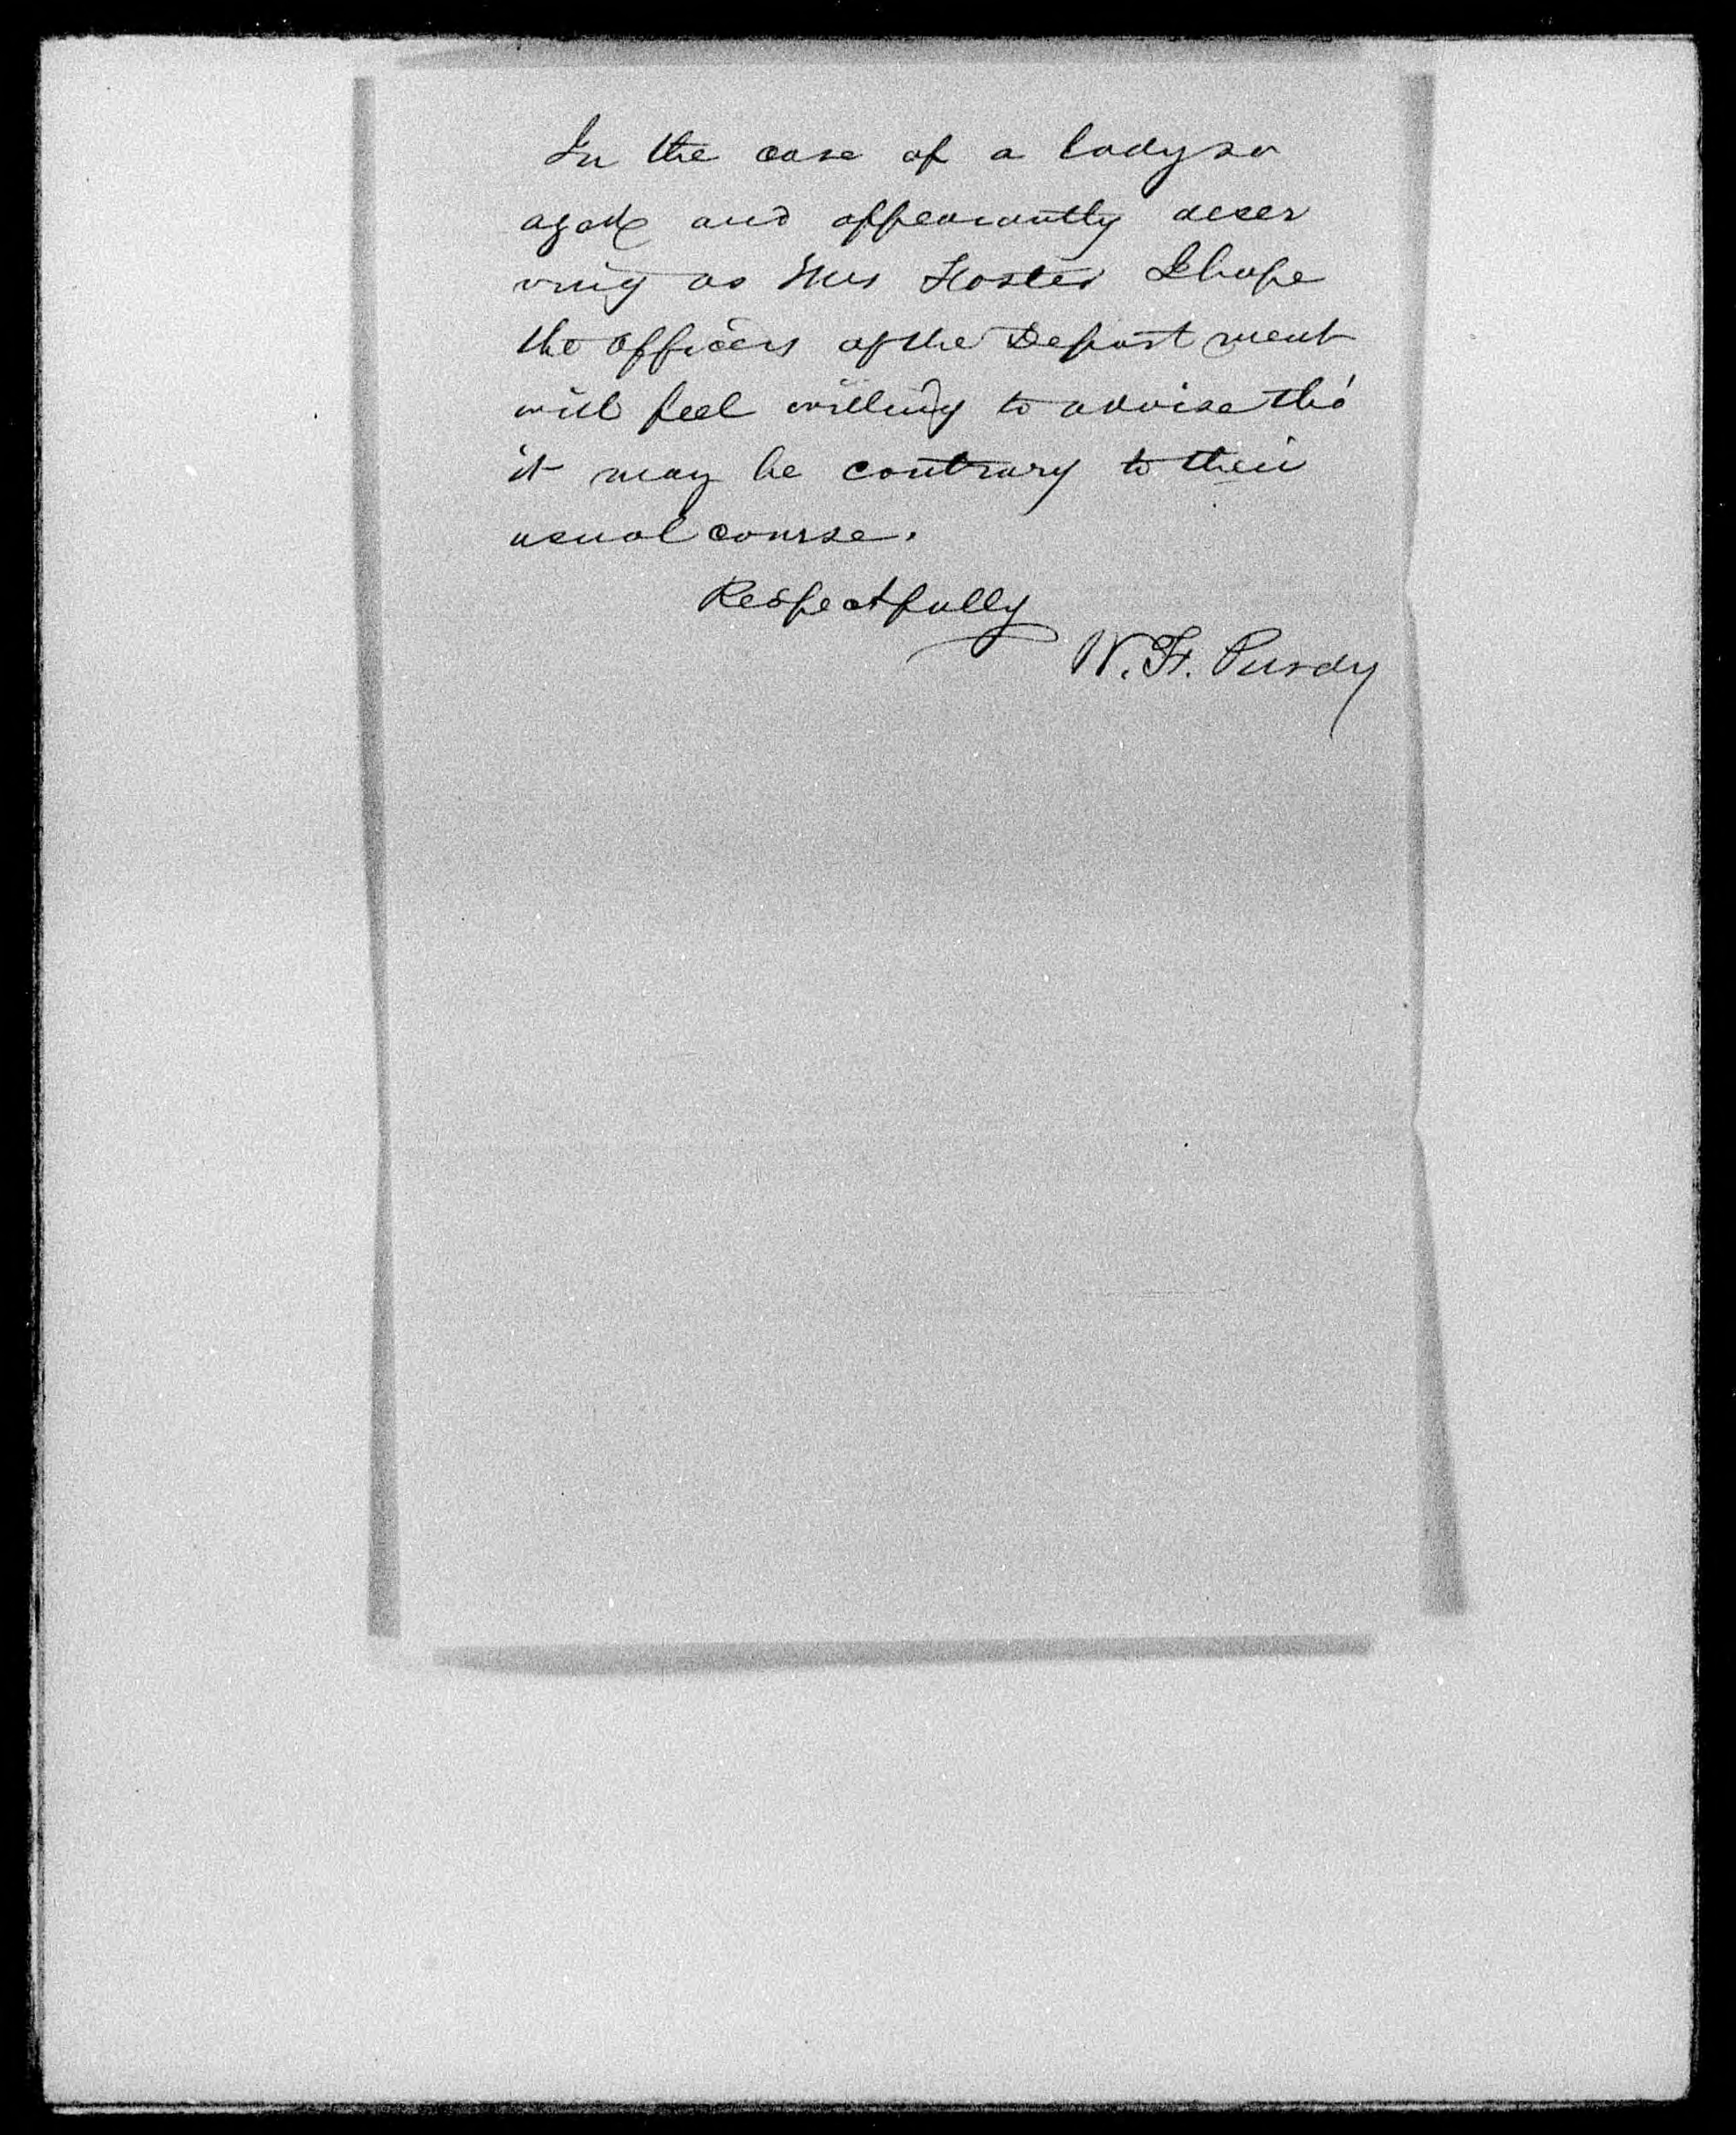In the case of a lady so aged and apparently deserving as Mrs. Foster I hope the officers of the Department will feel willing to advise tho' it may be contrary to their usual course.
Respectfully
W. F. Purdy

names: Foster, W F Purdy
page: 46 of 57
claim: widow's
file: W. 5275 1/2, Michael Foster, Penn.